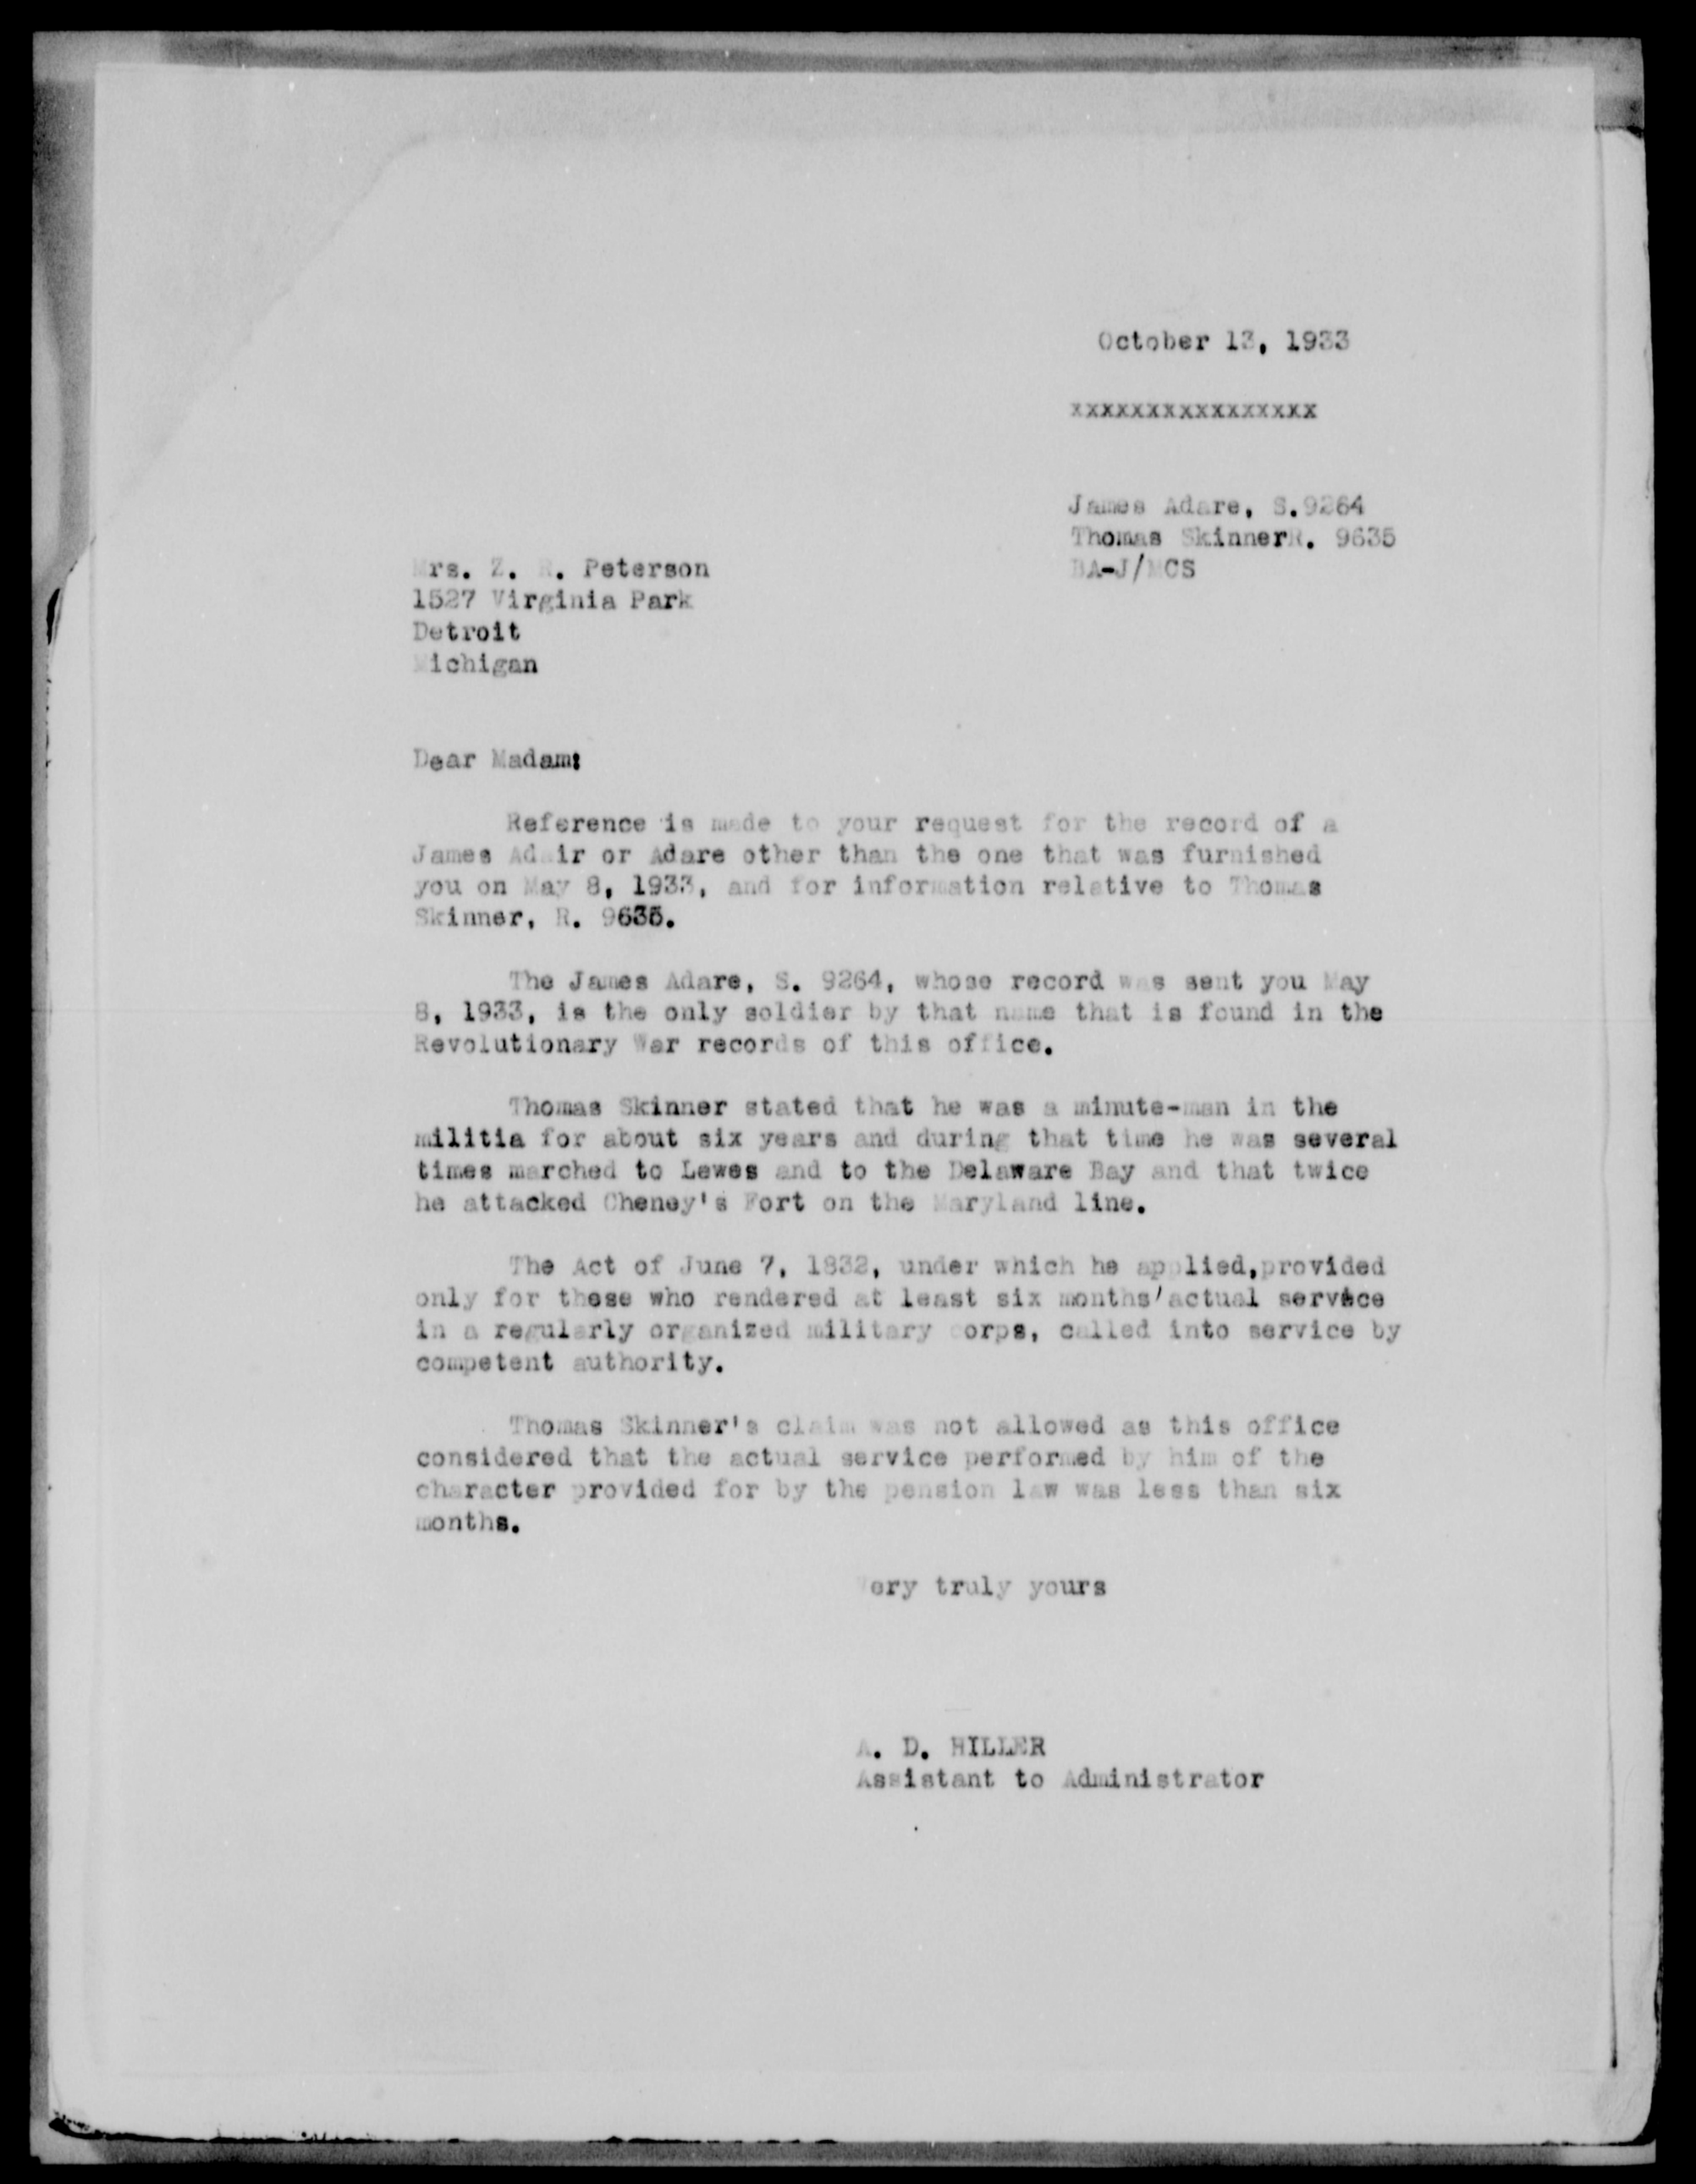October 13, 1933
xxxxxxxxxxxxxxxx
James Adare, S.9264
Thomas Skinner  R.9635
BA-J/MCS

Mrs. Z. R. Peterson
1527 Virginia Park
Detroit
Michigan

Dear Madam:
Reference is made to your request for the record of James Adair or Adare other than the one that was furnished you on May 8, 1933, and for information relative to Thomas Skinner, R. 9635.

The James Adare, S. 9264, whose record was sent you May 8, 1933, is the only soldier by that name that is found in the Revolutionary War records of this office.

Thomas Skinner stated that he was a minute-man in the militia for about six years and during that time he was several times marched to Lewes and to the Delaware Bay and that twice he attacked Cheney's Fort on the Maryland line.

The Act of June 7, 1832, under which he applied, provided only for those who rendered at least six months' actual service in a regularly organized military corps, called into service by competent authority.

Thomas Skinner's claim was not allowed as this office considered that the actual service performed by him of the character provided for by the pension law was less than six months.

Very truly yours
A. D. HILLER
Assistant to Administrator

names: Thomas Skinner; James Adare; Thomas Skinner; Thomas Skinner; A D Hiller; Thomas Skinner; Z R Peterson; James Adair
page: 28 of 33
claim: rejected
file: R. 9635, for Thomas Skinner, Delaware